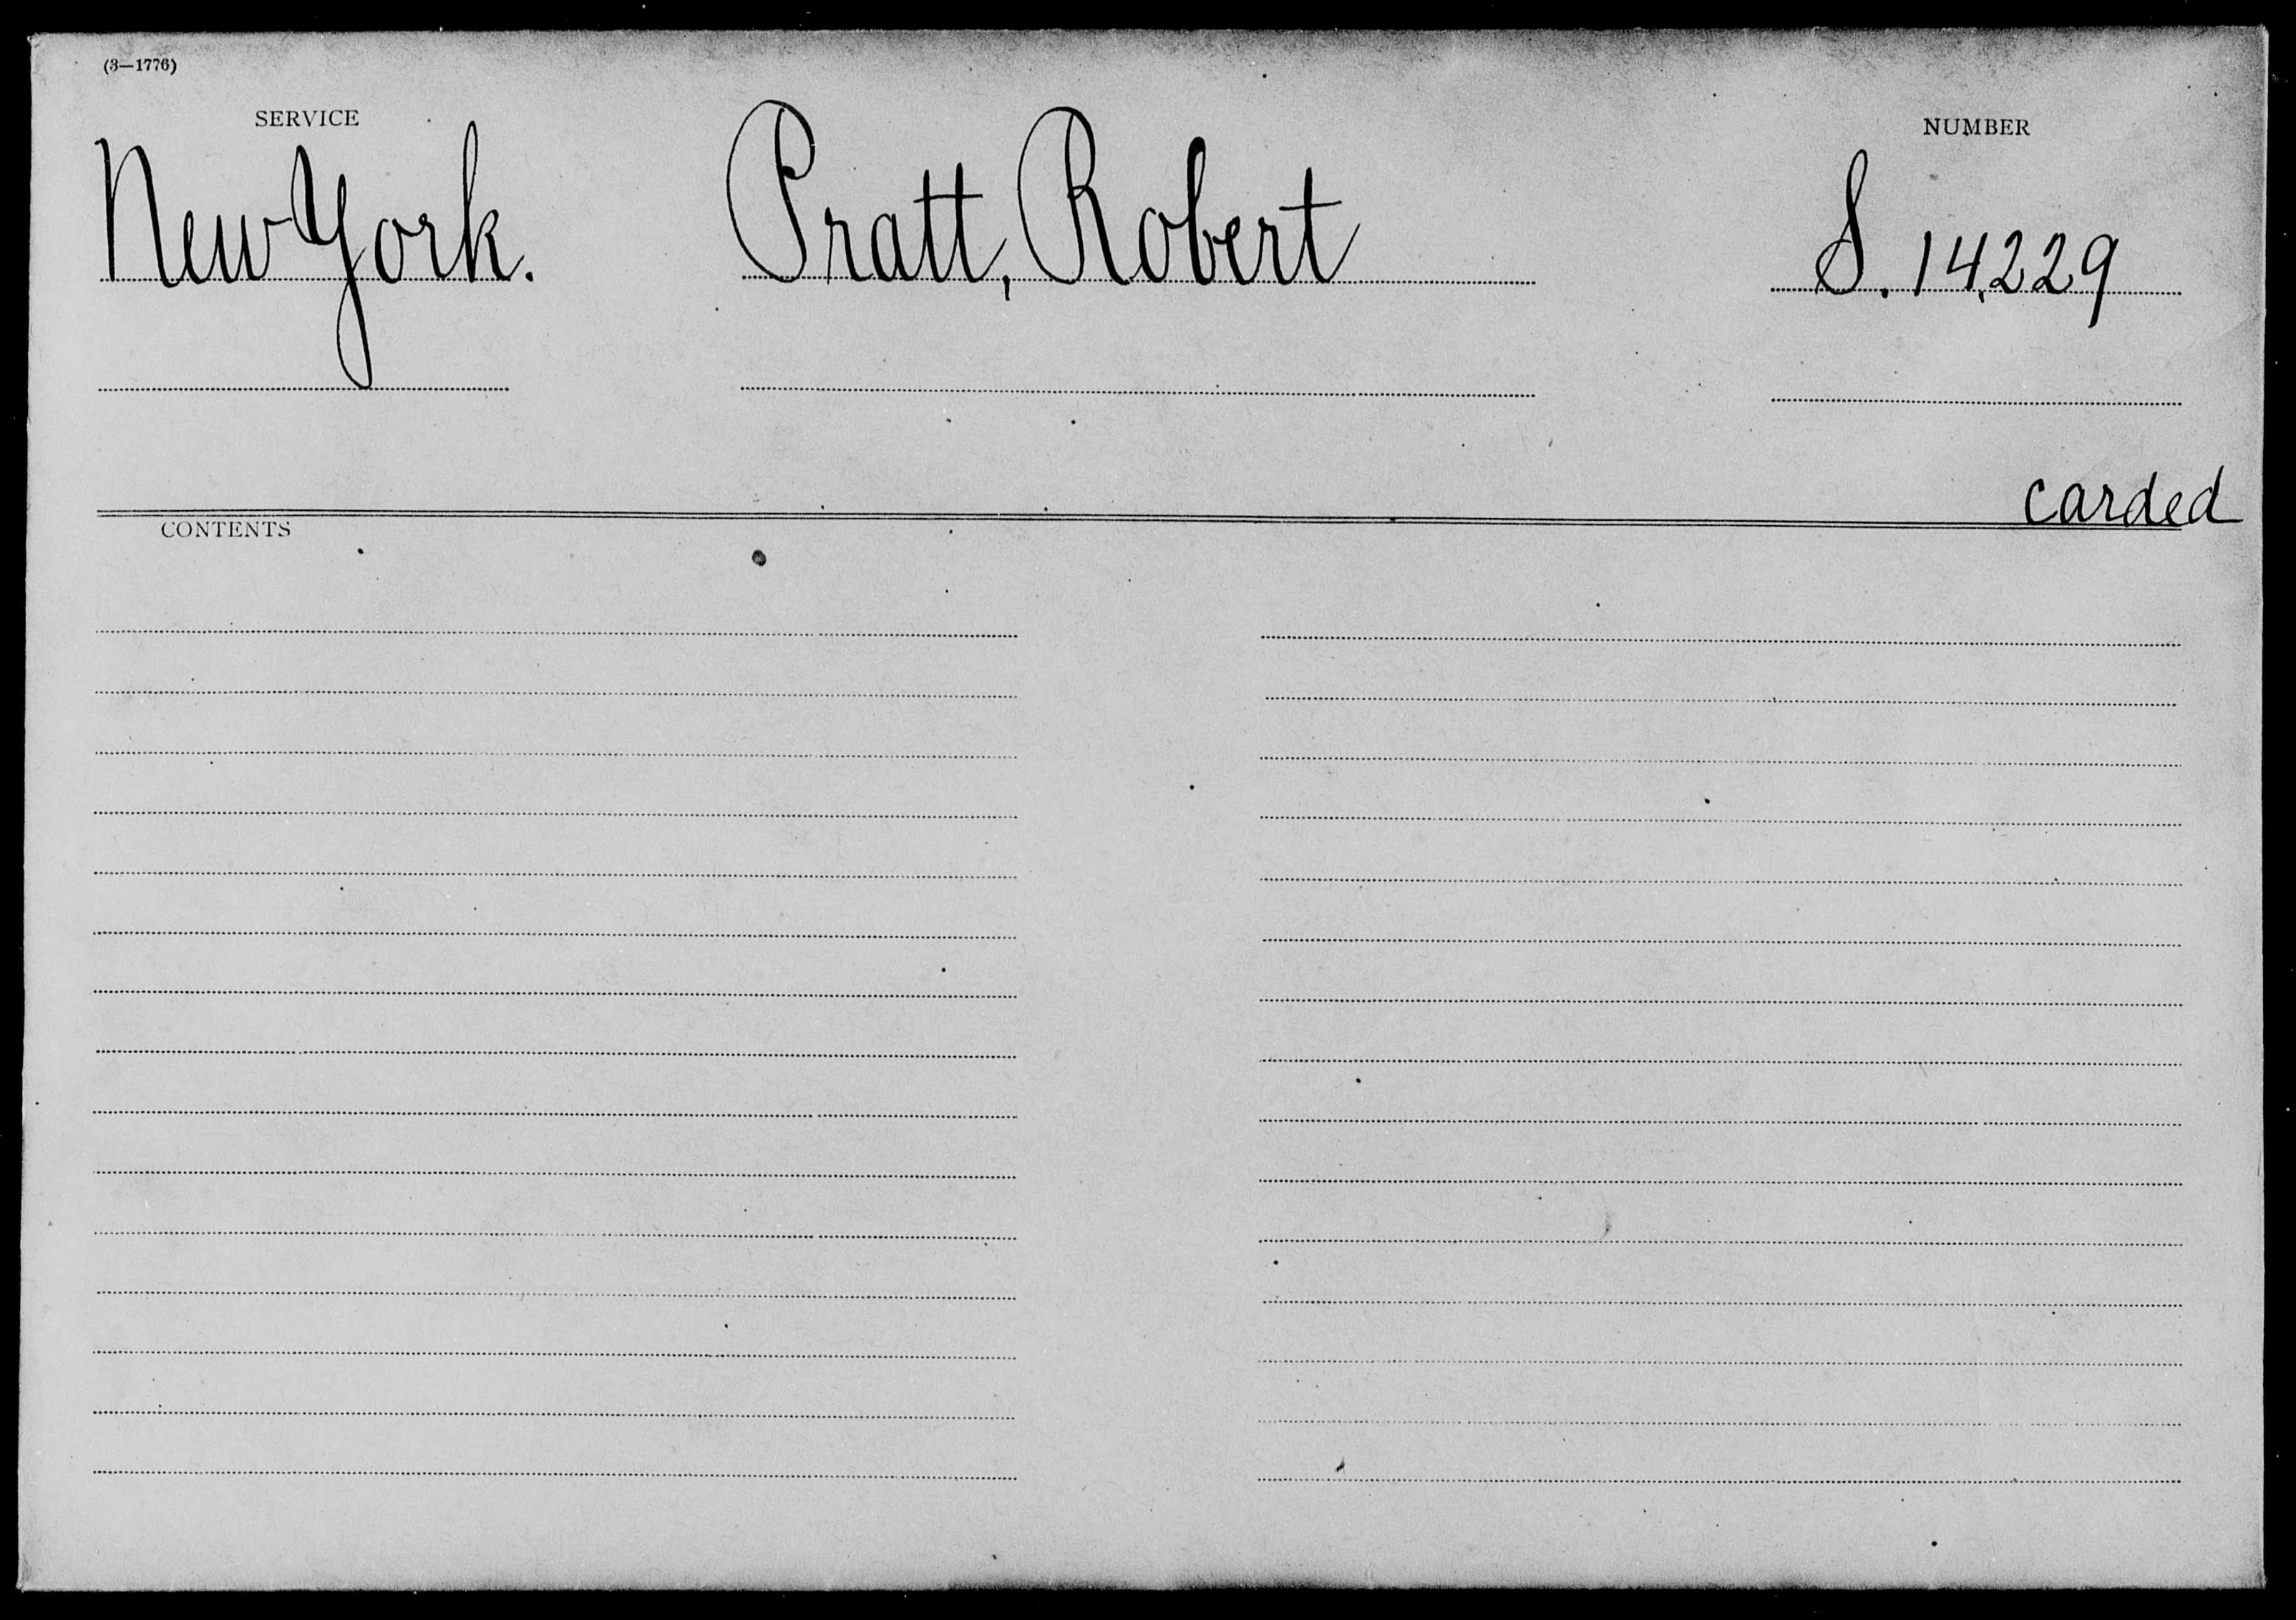(3 - 1776)
SERVICE
New York

Pratt, Robert
NUMBER
S. 14229
carded

CONTENTS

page: 1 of 23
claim: survivor's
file: S. 14,229, for Robert Pratt, New York